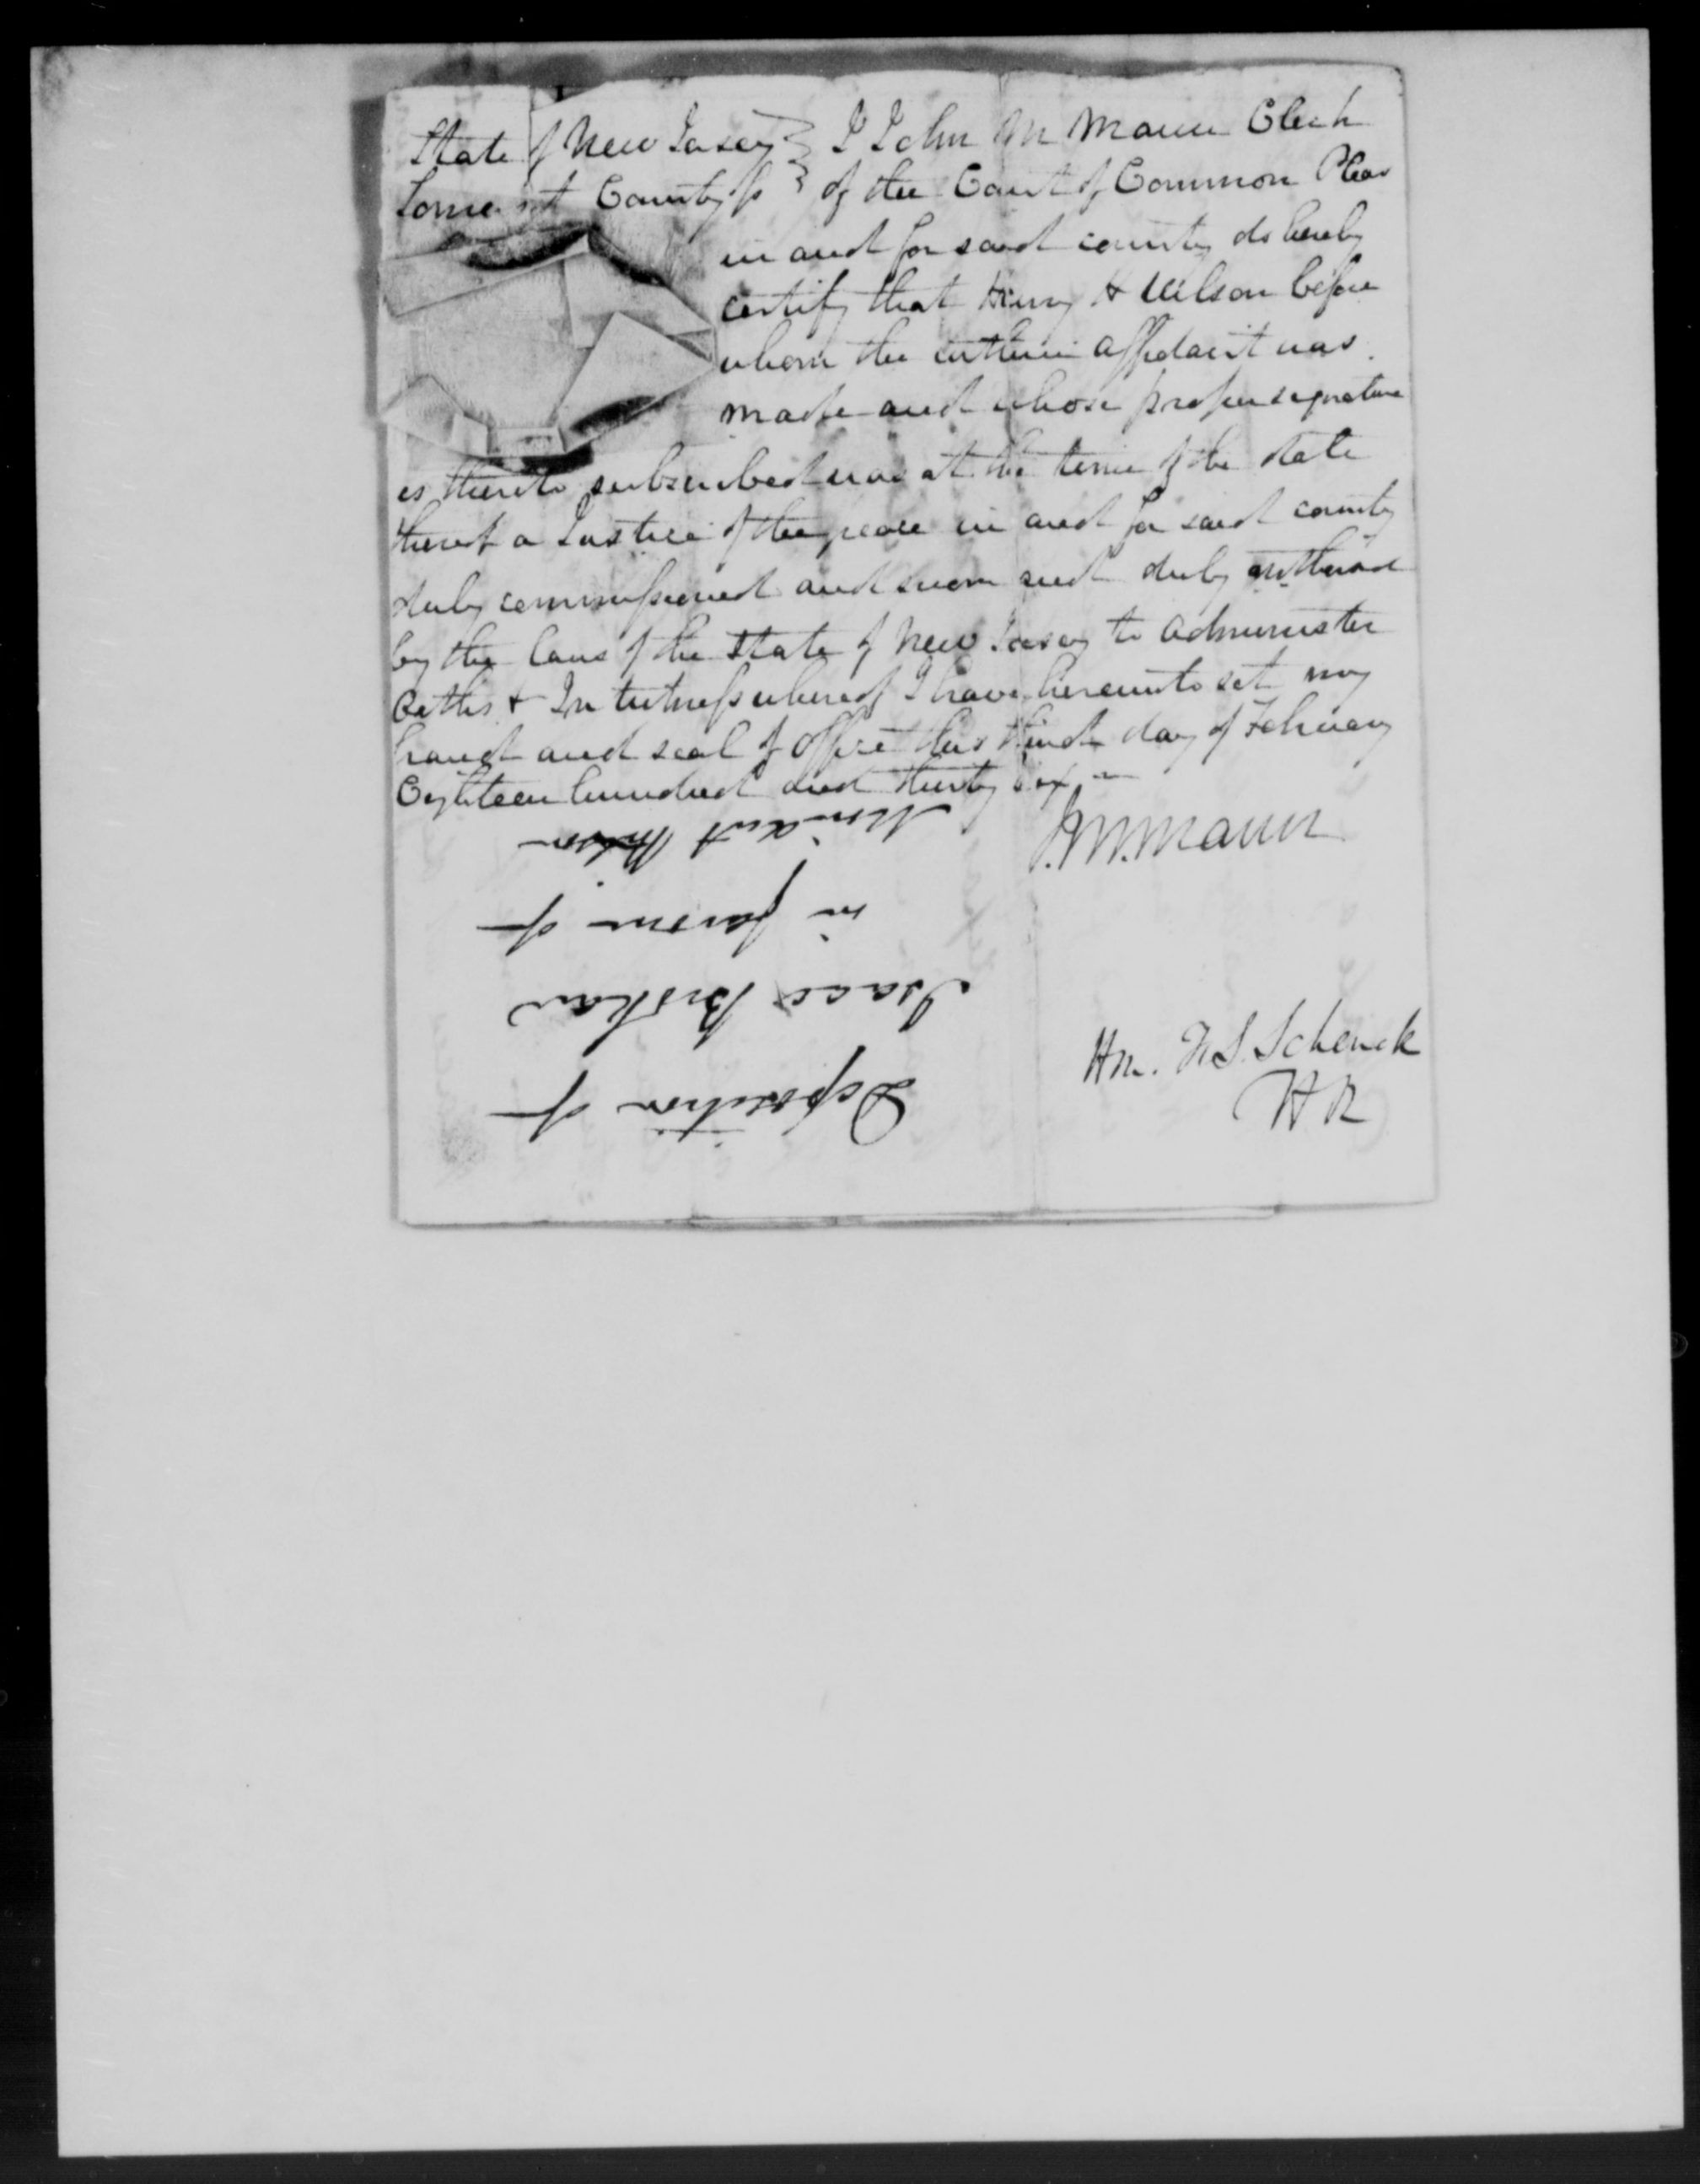New Jersey
Somerset County ss }

I John M Mann Clerk of the Court of Common Pleas in and for said county do hereby certify that Henry H Wilson before whom the within affidavit was made and whose proper signature is thereto subscribed was at the time of the date thereof a Justice of the peace in and for said County duly commissioned and sworn and duly authorized by the laws of the State of New Jersey to administer Oaths & In witness whereof I have hereunto set my hand and seal of office this third day of February Eighteen hundred and thirty six.

J. M. Mann

Hon. F.S. Schenck HR

[inverted]
Deposition of Isaac Brokaw in favour of Mindert Wilson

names: Henry H Wilson, John M Mann, F S Schenck, Isaac Brokaw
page: 25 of 40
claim: survivor's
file: S. 3564, Mindart Wilson, New Jersey